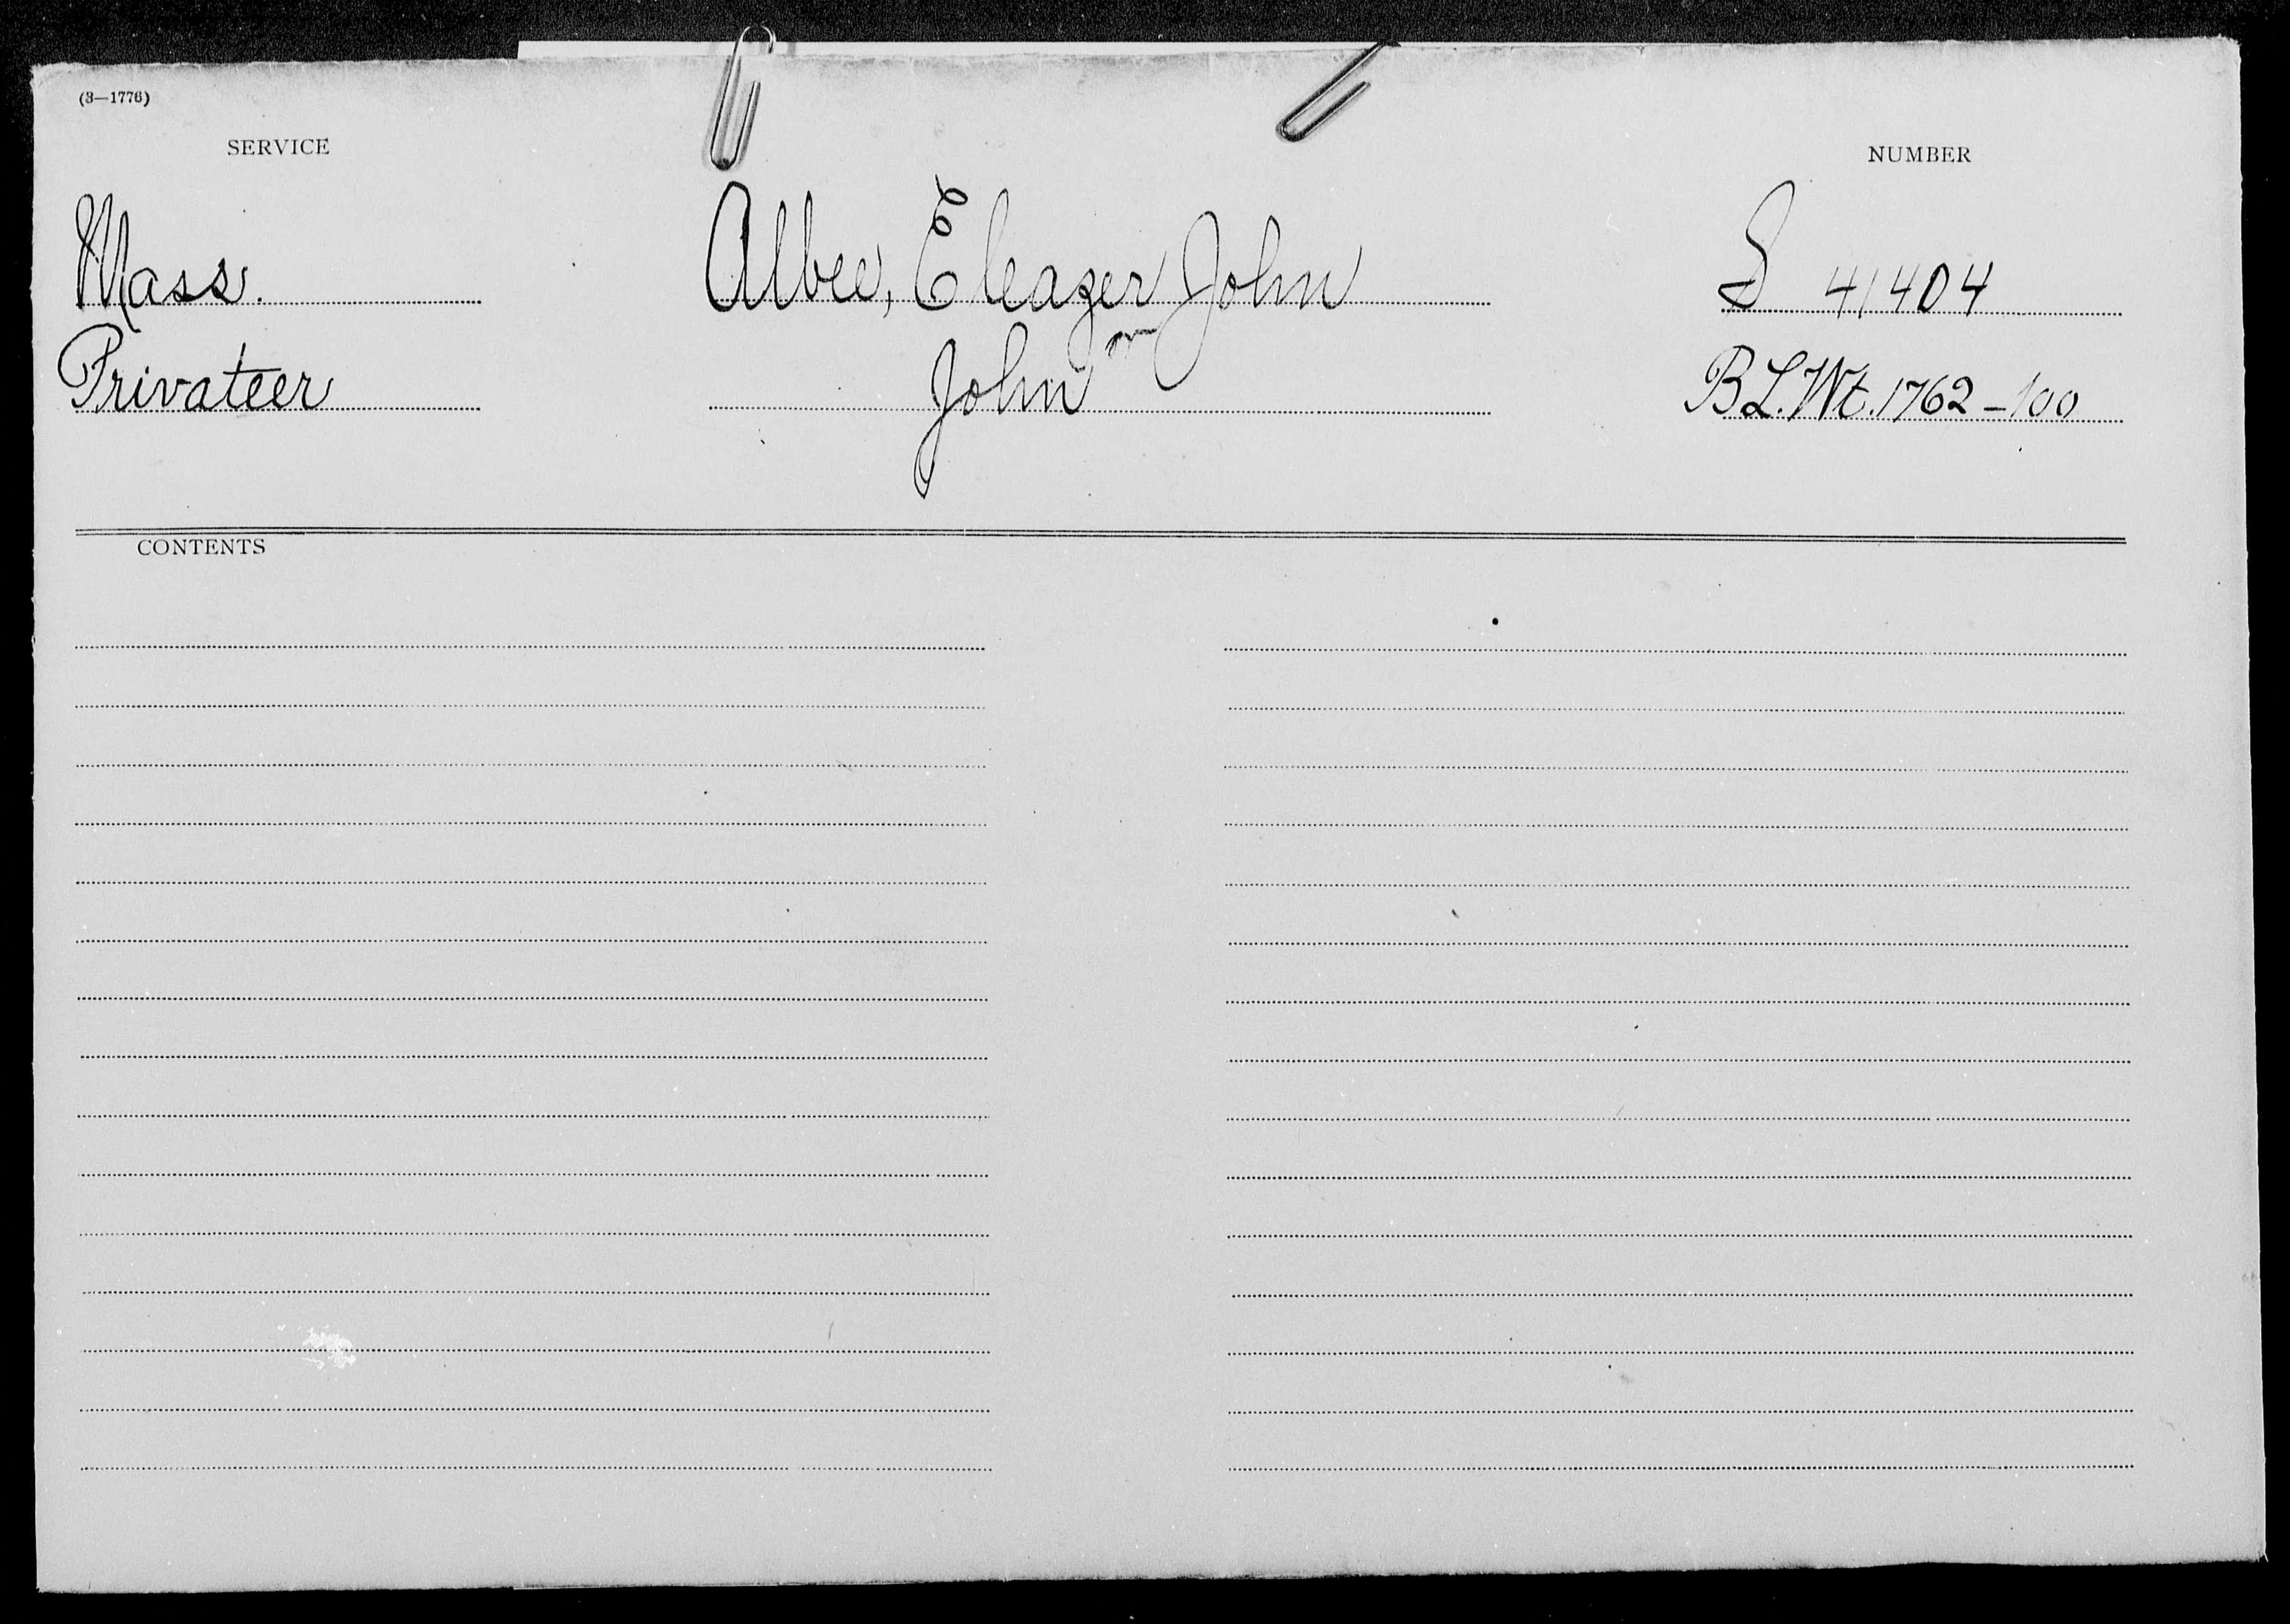(3 - 1776) 
SERVICE Mass. Privateer 
Albee, Eleazer John John 
NUMBER S 42404 
B.L.Wt. 1762-100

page: 1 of 29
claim: survivor's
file: S 41404, Eleazer John Albee, Mass. Privateer